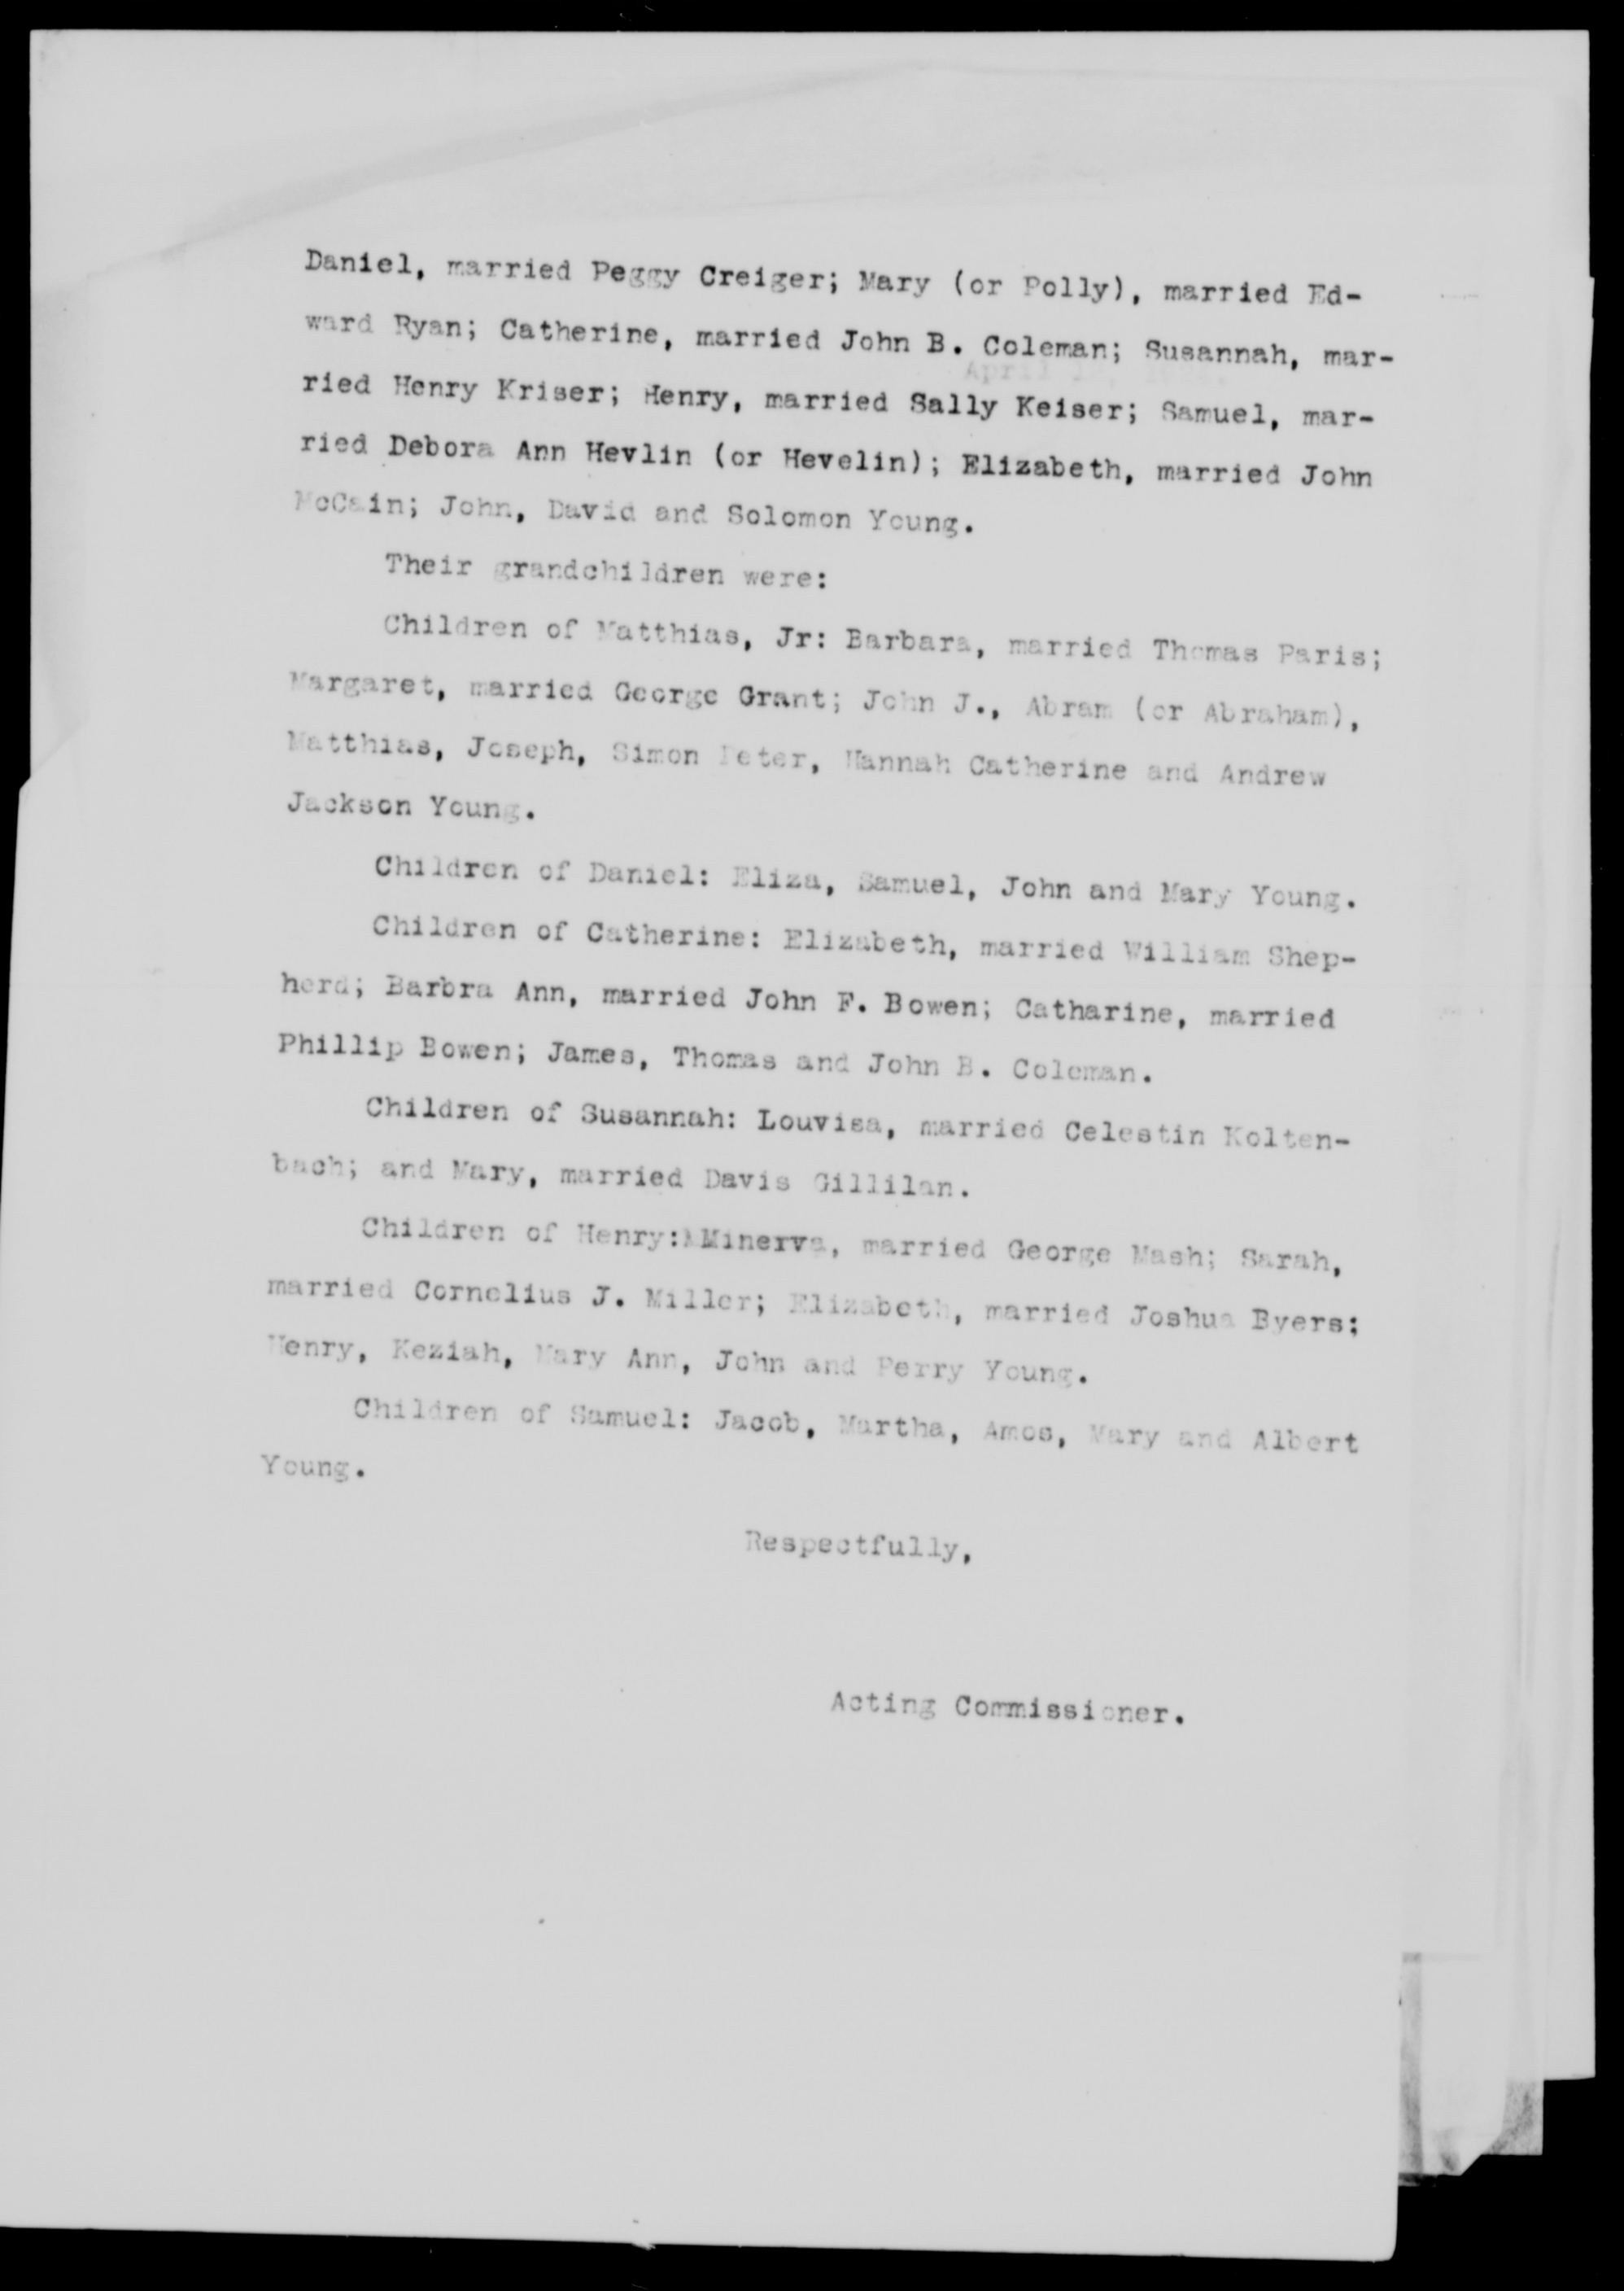Daniel, married Peggy Creiger; Mary (or Polly), married Edward Ryan; Catherine, married John B. Coleman; Susannah, married Henry Kriser; Henry, married Sally Keiser; Samuel, married Debora Ann Hevlin (or Hevelin); Elizabeth, married John
McCain, John, David and Solomon Young.

Their grandchildren were:
Children of Matthias, Jr.: Barbara, married Thomas Paris: Margaret, married George Grant; John J., Abram (or Abraham ), Matthias, Joseph, Simon Peter, Hannah Catherine and Andrew Jackson Young,

Children of Daniel: Eliza, Samuel, John and Mary Young.

Children of Catherine: Elizabeth, married William Shepherd, Barbra Ann, married John F. Bowen; Catharine, married Phillip Bowen; James Thomas and John B. Coleman.

Children of Susannah: Louvisa, married Celestin Koltenback, and Mary, married Davis Gillilan,

Children of Henry: Minerva, married George Wash; Sarah, married Cornelius J. Miller; Elizabeth, married Joshua Byers; Henry, Keziah, Mary Ann, John and Perry Young,

Children of Samuel: Jacob, Martha, Ames, Mary and Albert Young.

Respectfully,
Acting Commissioner.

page: 50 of 123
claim: rejected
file: R. 11,949, Matthias Young, Md.